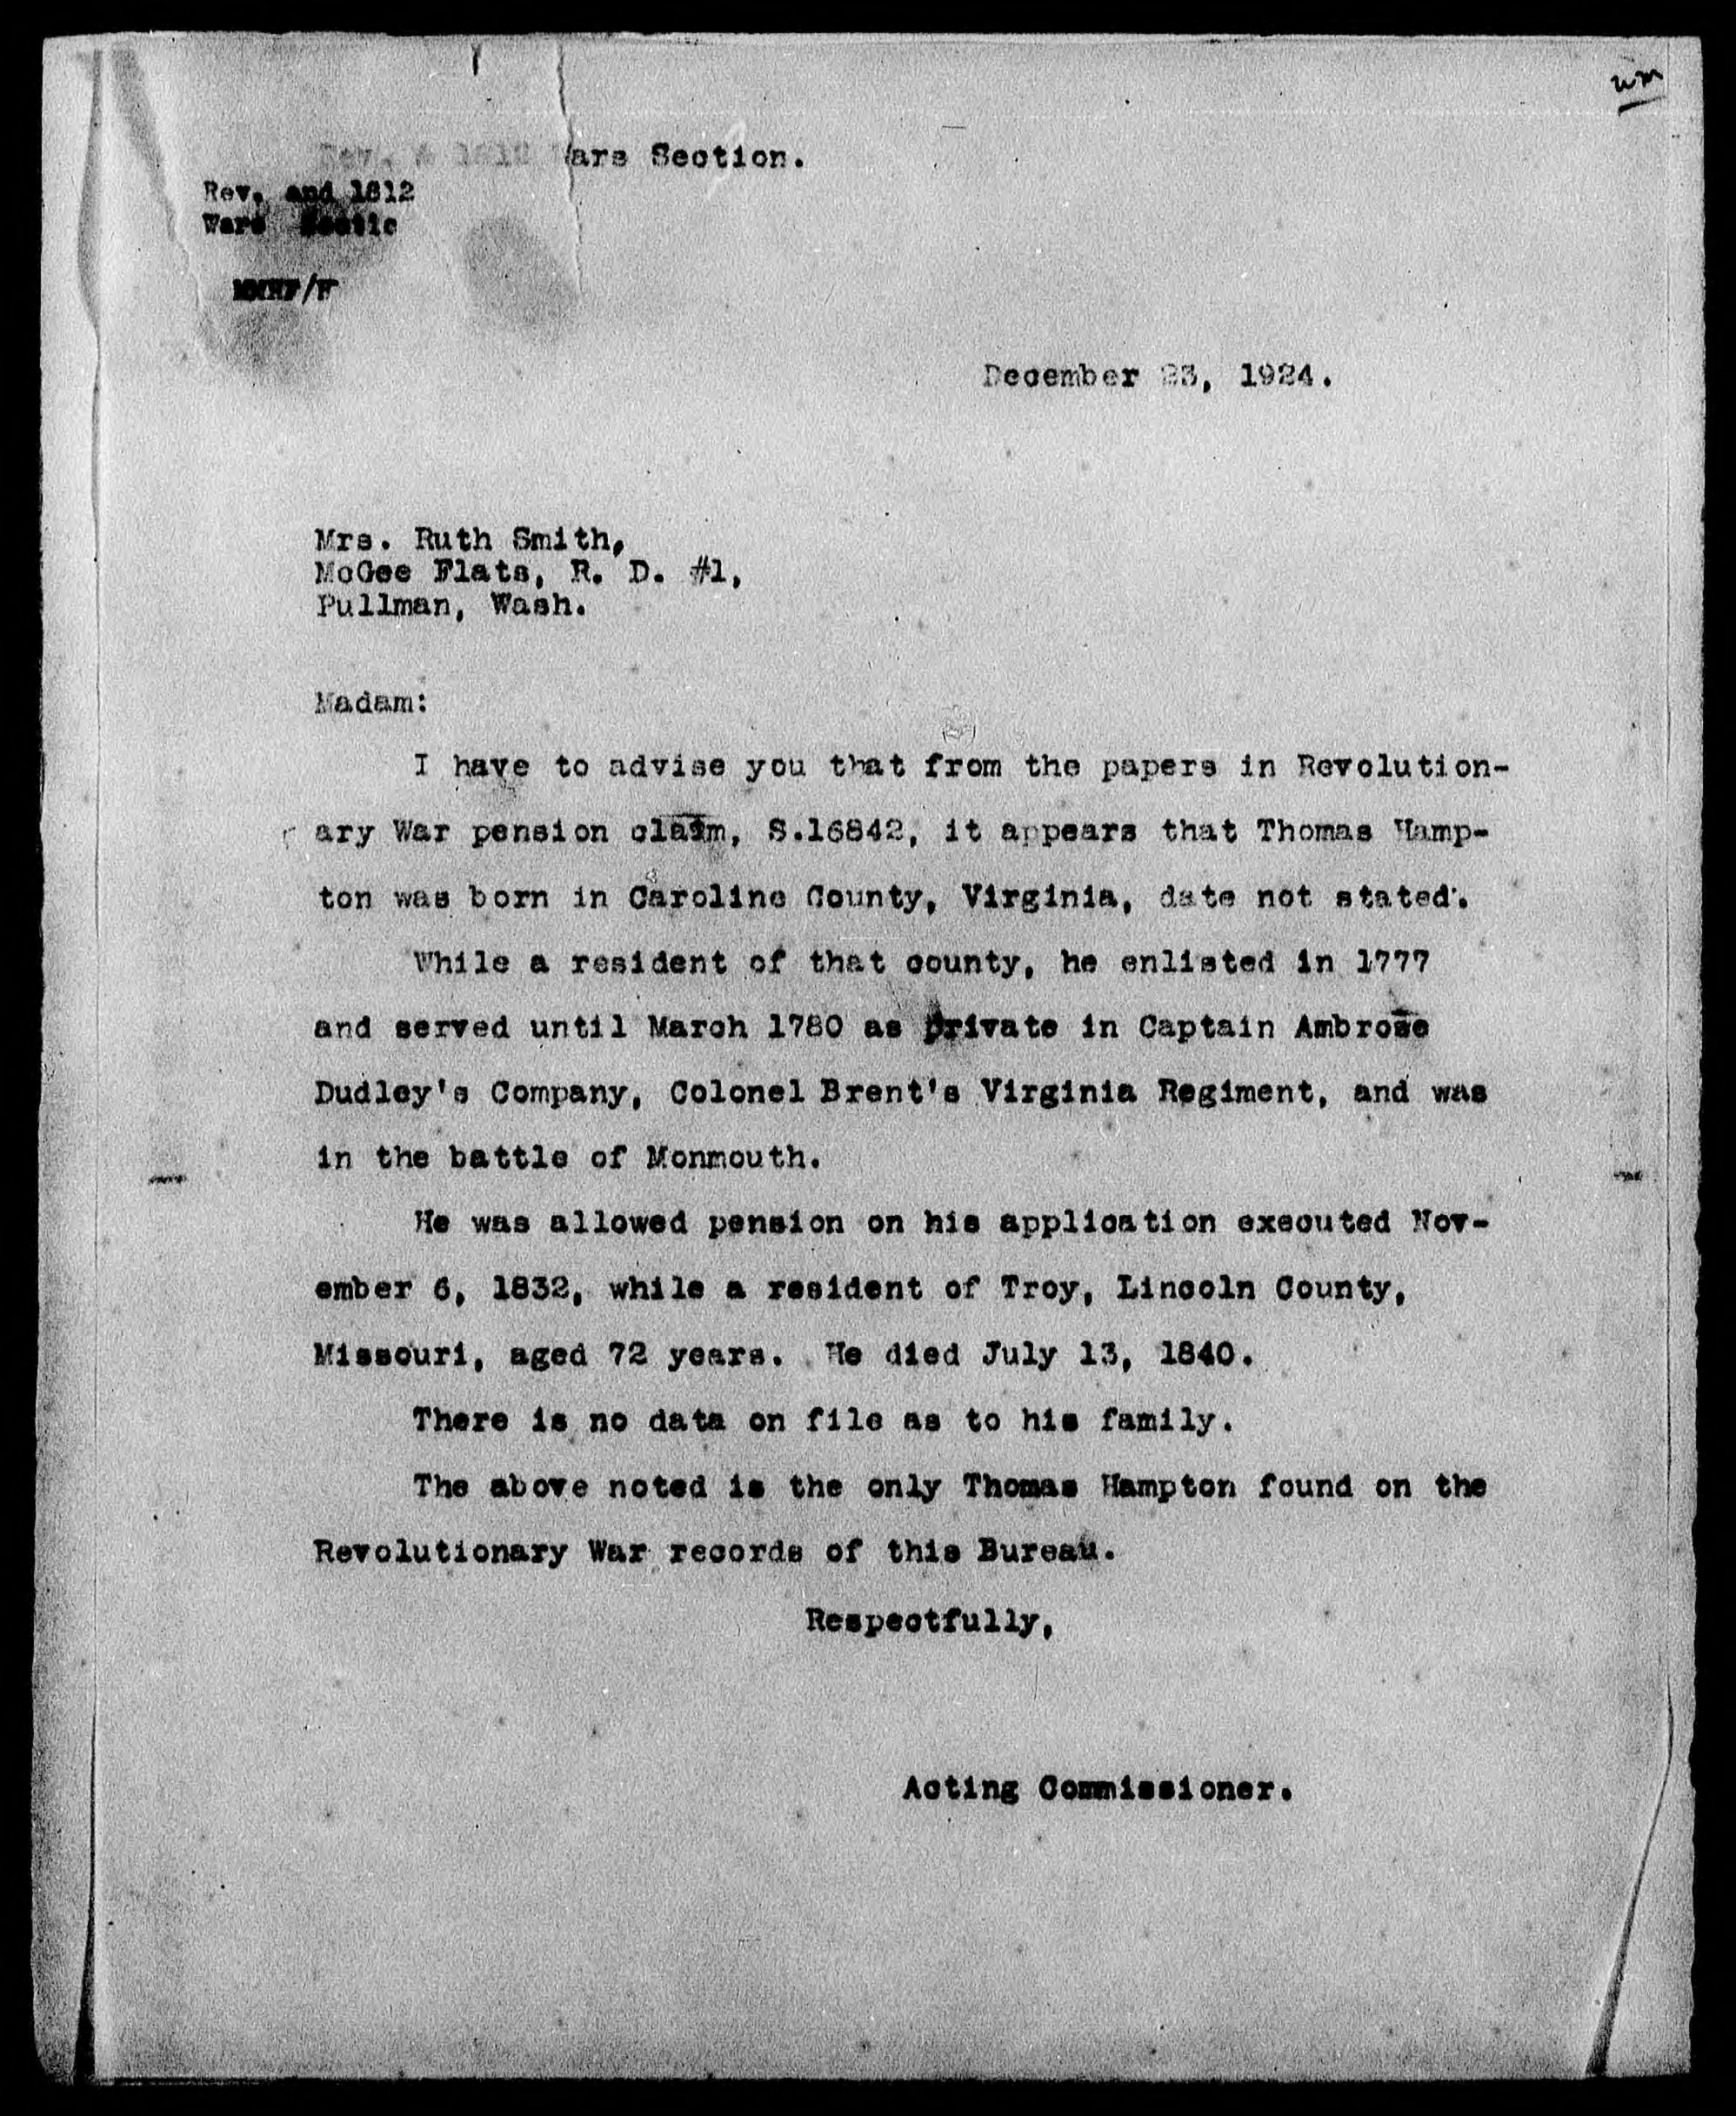Rev. & 1812 Wars Section.
Rev. and 1812
Wars Section
MMHF/F

December 23, 1924.
Mrs. Ruth Smith,
McGee Flats, R. D. #1,
Pullman, Wash.
Madam:
I have to advise you that from the papers in Revolutionary War pension claim, S. 16842, it appears that Thomas Hampton was born in Caroline County, Virginia, date not stated.
While a resident of that county, he enlisted in 1777 and served until March 1780 as private in Captain Ambrose Dudley's Company, Colonel Brent's Virginia Regiment, and was in the battle of Monmouth.
He was allowed pension on his application executed November 6, 1832, while a resident of Troy, Lincoln County, Missouri, aged 72 years. He died July 13, 1840.
There is no data on file as to his family.
The above noted is the only Thomas Hampton found on the Revolutionary War records of this Bureau.
Respectfully,
Acting Commissioner.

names: Thomas Hampton, Thomas Hampton, Ruth Smith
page: 19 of 26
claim: survivor's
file: S. 16842, Thomas Hampton, Va.